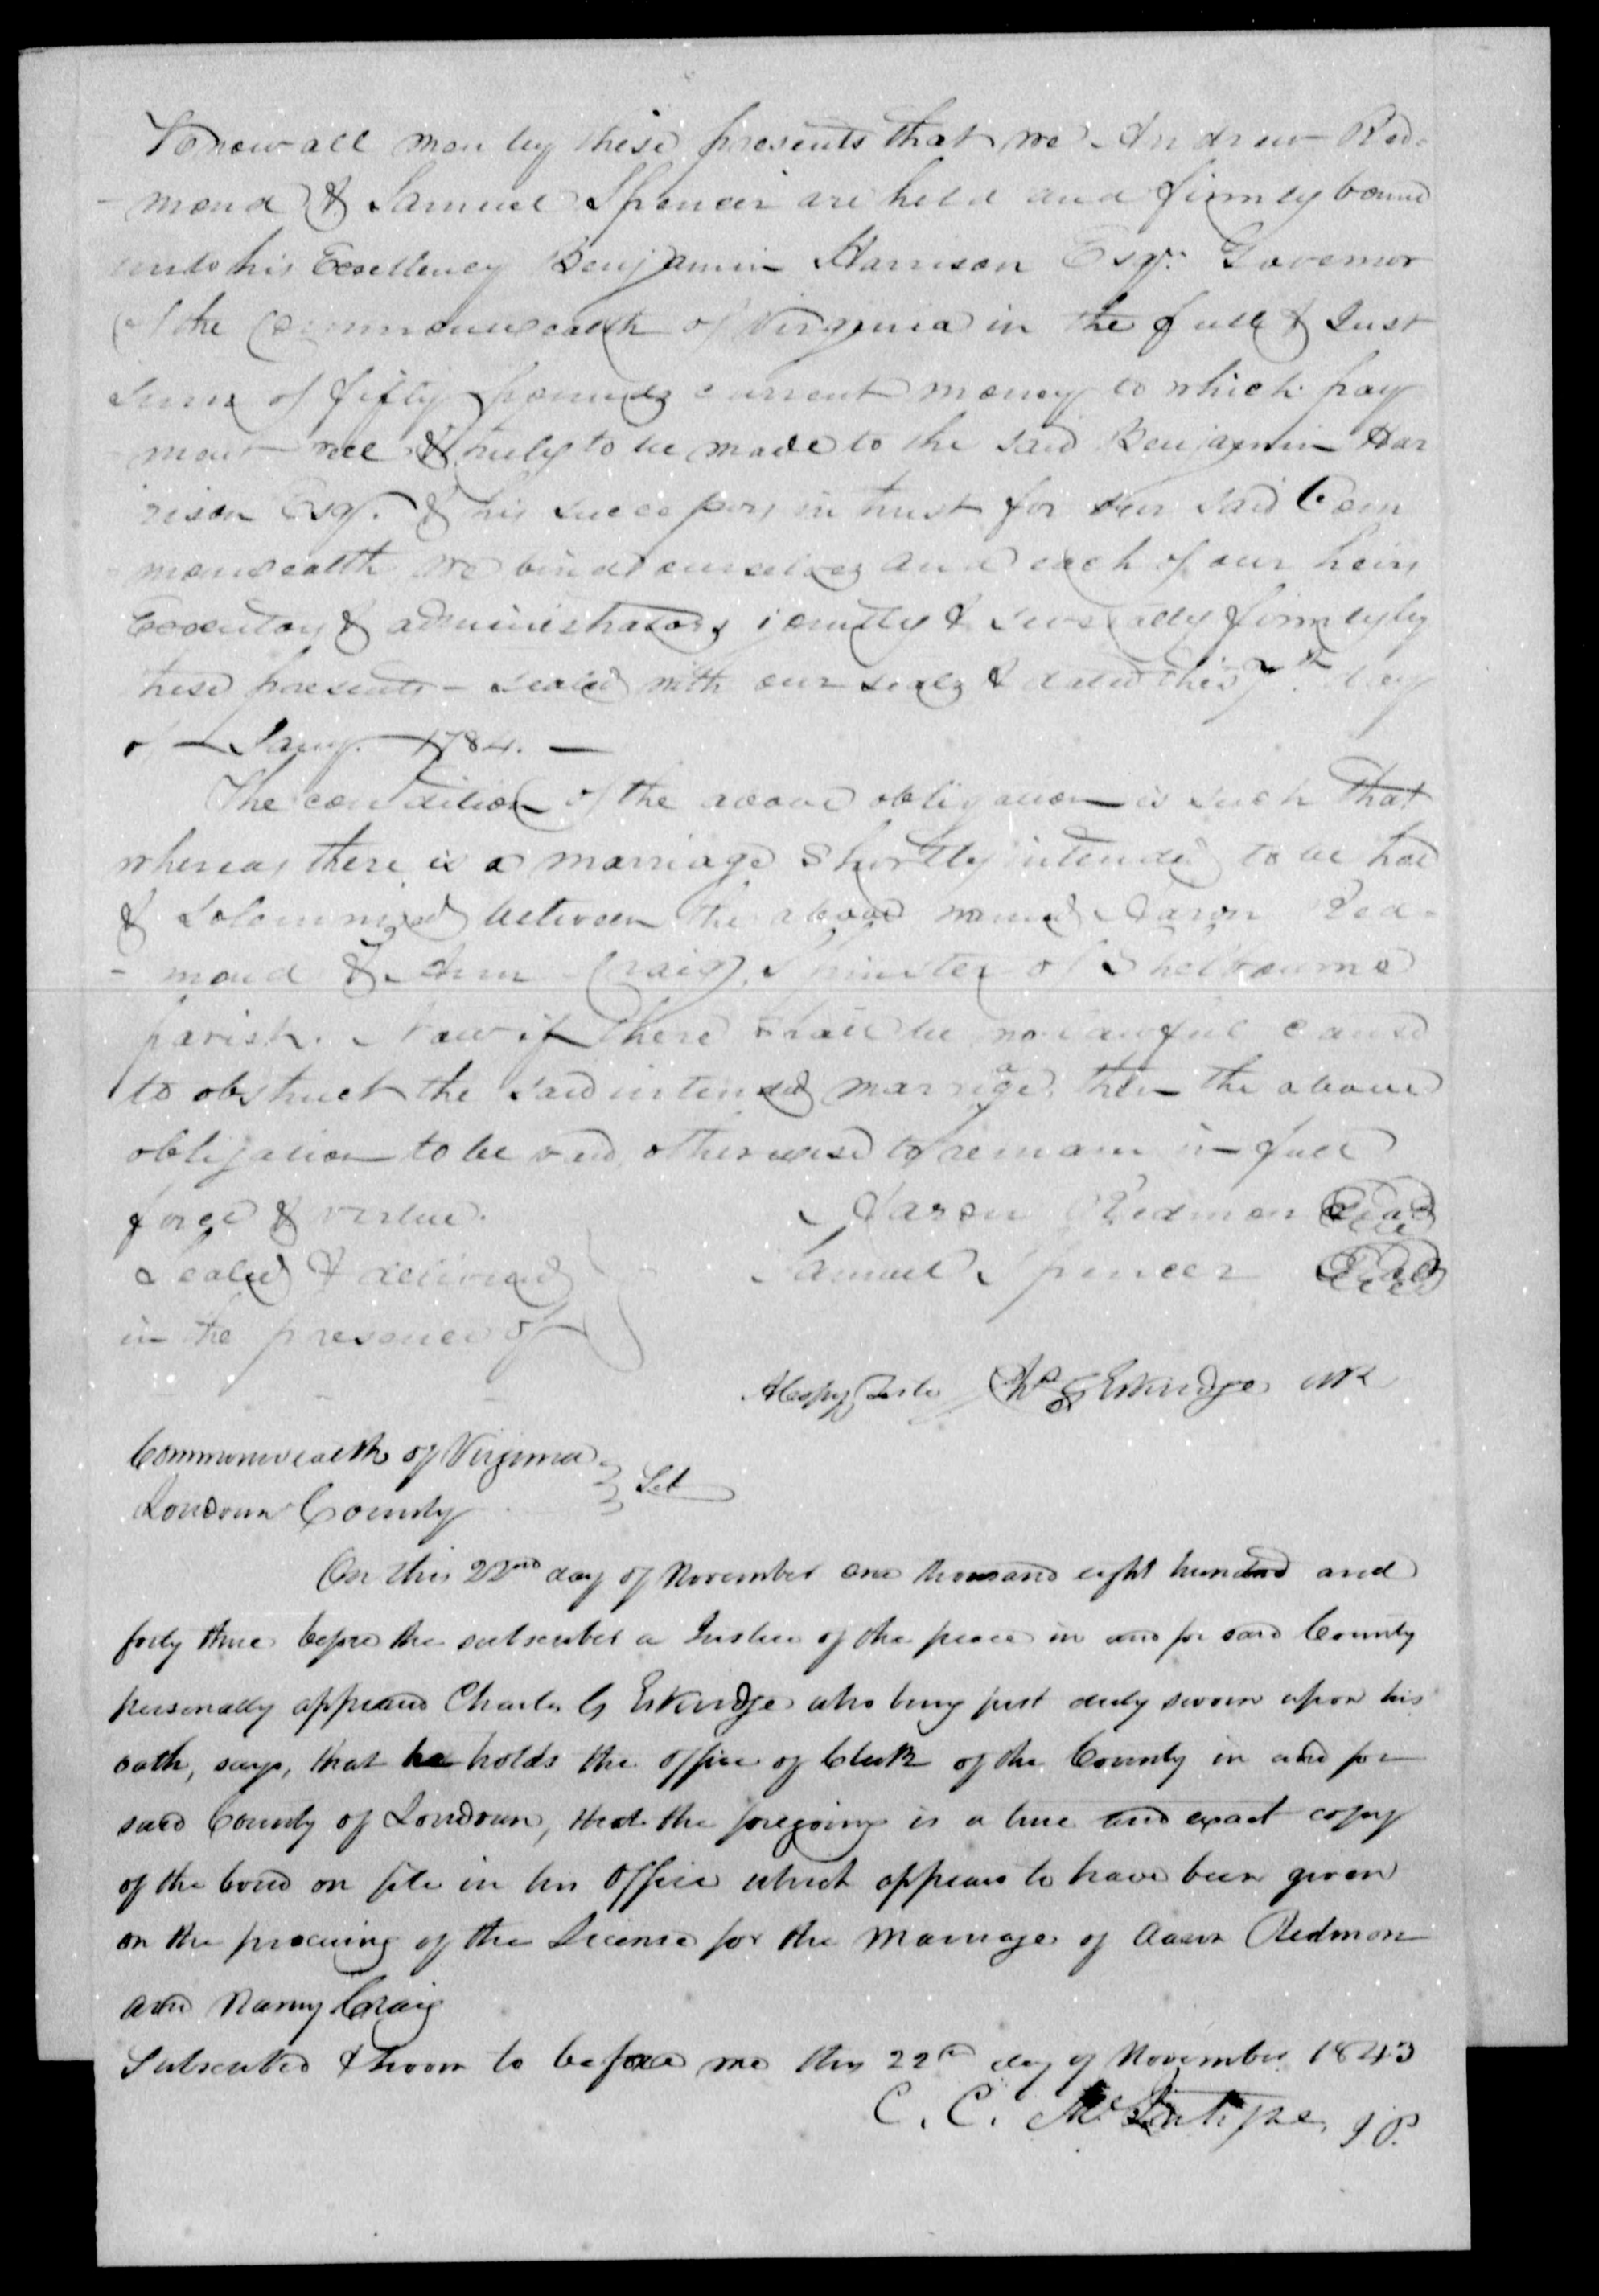Know all men by these presents that we Aaron Redmond & Samuel Spencer are held and firmly bound unto his Excellency Benjamin Harrison Esqr. Governor of the Commonwealth of Virginia in the full & just sum of fifty pounds current money to which payment well & truly to be made to the said Benjamin Harrison Esq. & his successors in trust for our said Commonwealth. WE bind ourselves and each of our heirs Executors & administrators jointly & severally firmly by these presents - sealed with our seals & dated this 7th day of Jany 1784.-
The condition of the above obligation is such that whereas there is a marriage shortly intended to be had & Solemnized between the above named Aaron Redman & Ann Craig, Spinster of Shelbourne parish. Now if there shall be no lawful cause to obstruct the said intended marriage, then the above obligation to be void, otherwise to remain in full force & virtue.
Aaron Redman Seal
Samuel Spencer Seal
Sealed & delivered
in the presence of
A Copy Teste Jno G Eskridge Clk

Commonwealth of Virginia
Loudoun County Sct
On this 22nd day of November one thousand eight hundred and forty three before the subscriber a Justice of the peace in and for said County personally appeared Charles G Eskridge who being first duly sworn upon his oath, says, that he holds the office of Clerk of the County in and for said County of Loudon, that the foregoing is a true and exact copy of the bond on file in his Office which appears to have been given on the procuring of the License for the Marriage of Aaron Redman and Nancy Craig.
Subscribed & sworn to before me this 22nd day of November 1843
C. C. McIntyre, J.P.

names: Ann Craig; Aaron Redmon; C C Mc Intyre; Benjamin Harrison; Aaron Redmon; Chs G Eskridge; Samuel Spencer; Charles G Eskridge; Benjamin Harrison; Aaron Redmond; Samuel Spencer; Andrew Redmond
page: 17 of 57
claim: widow's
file: W. 9,622, for Aaron Redman, Virginia